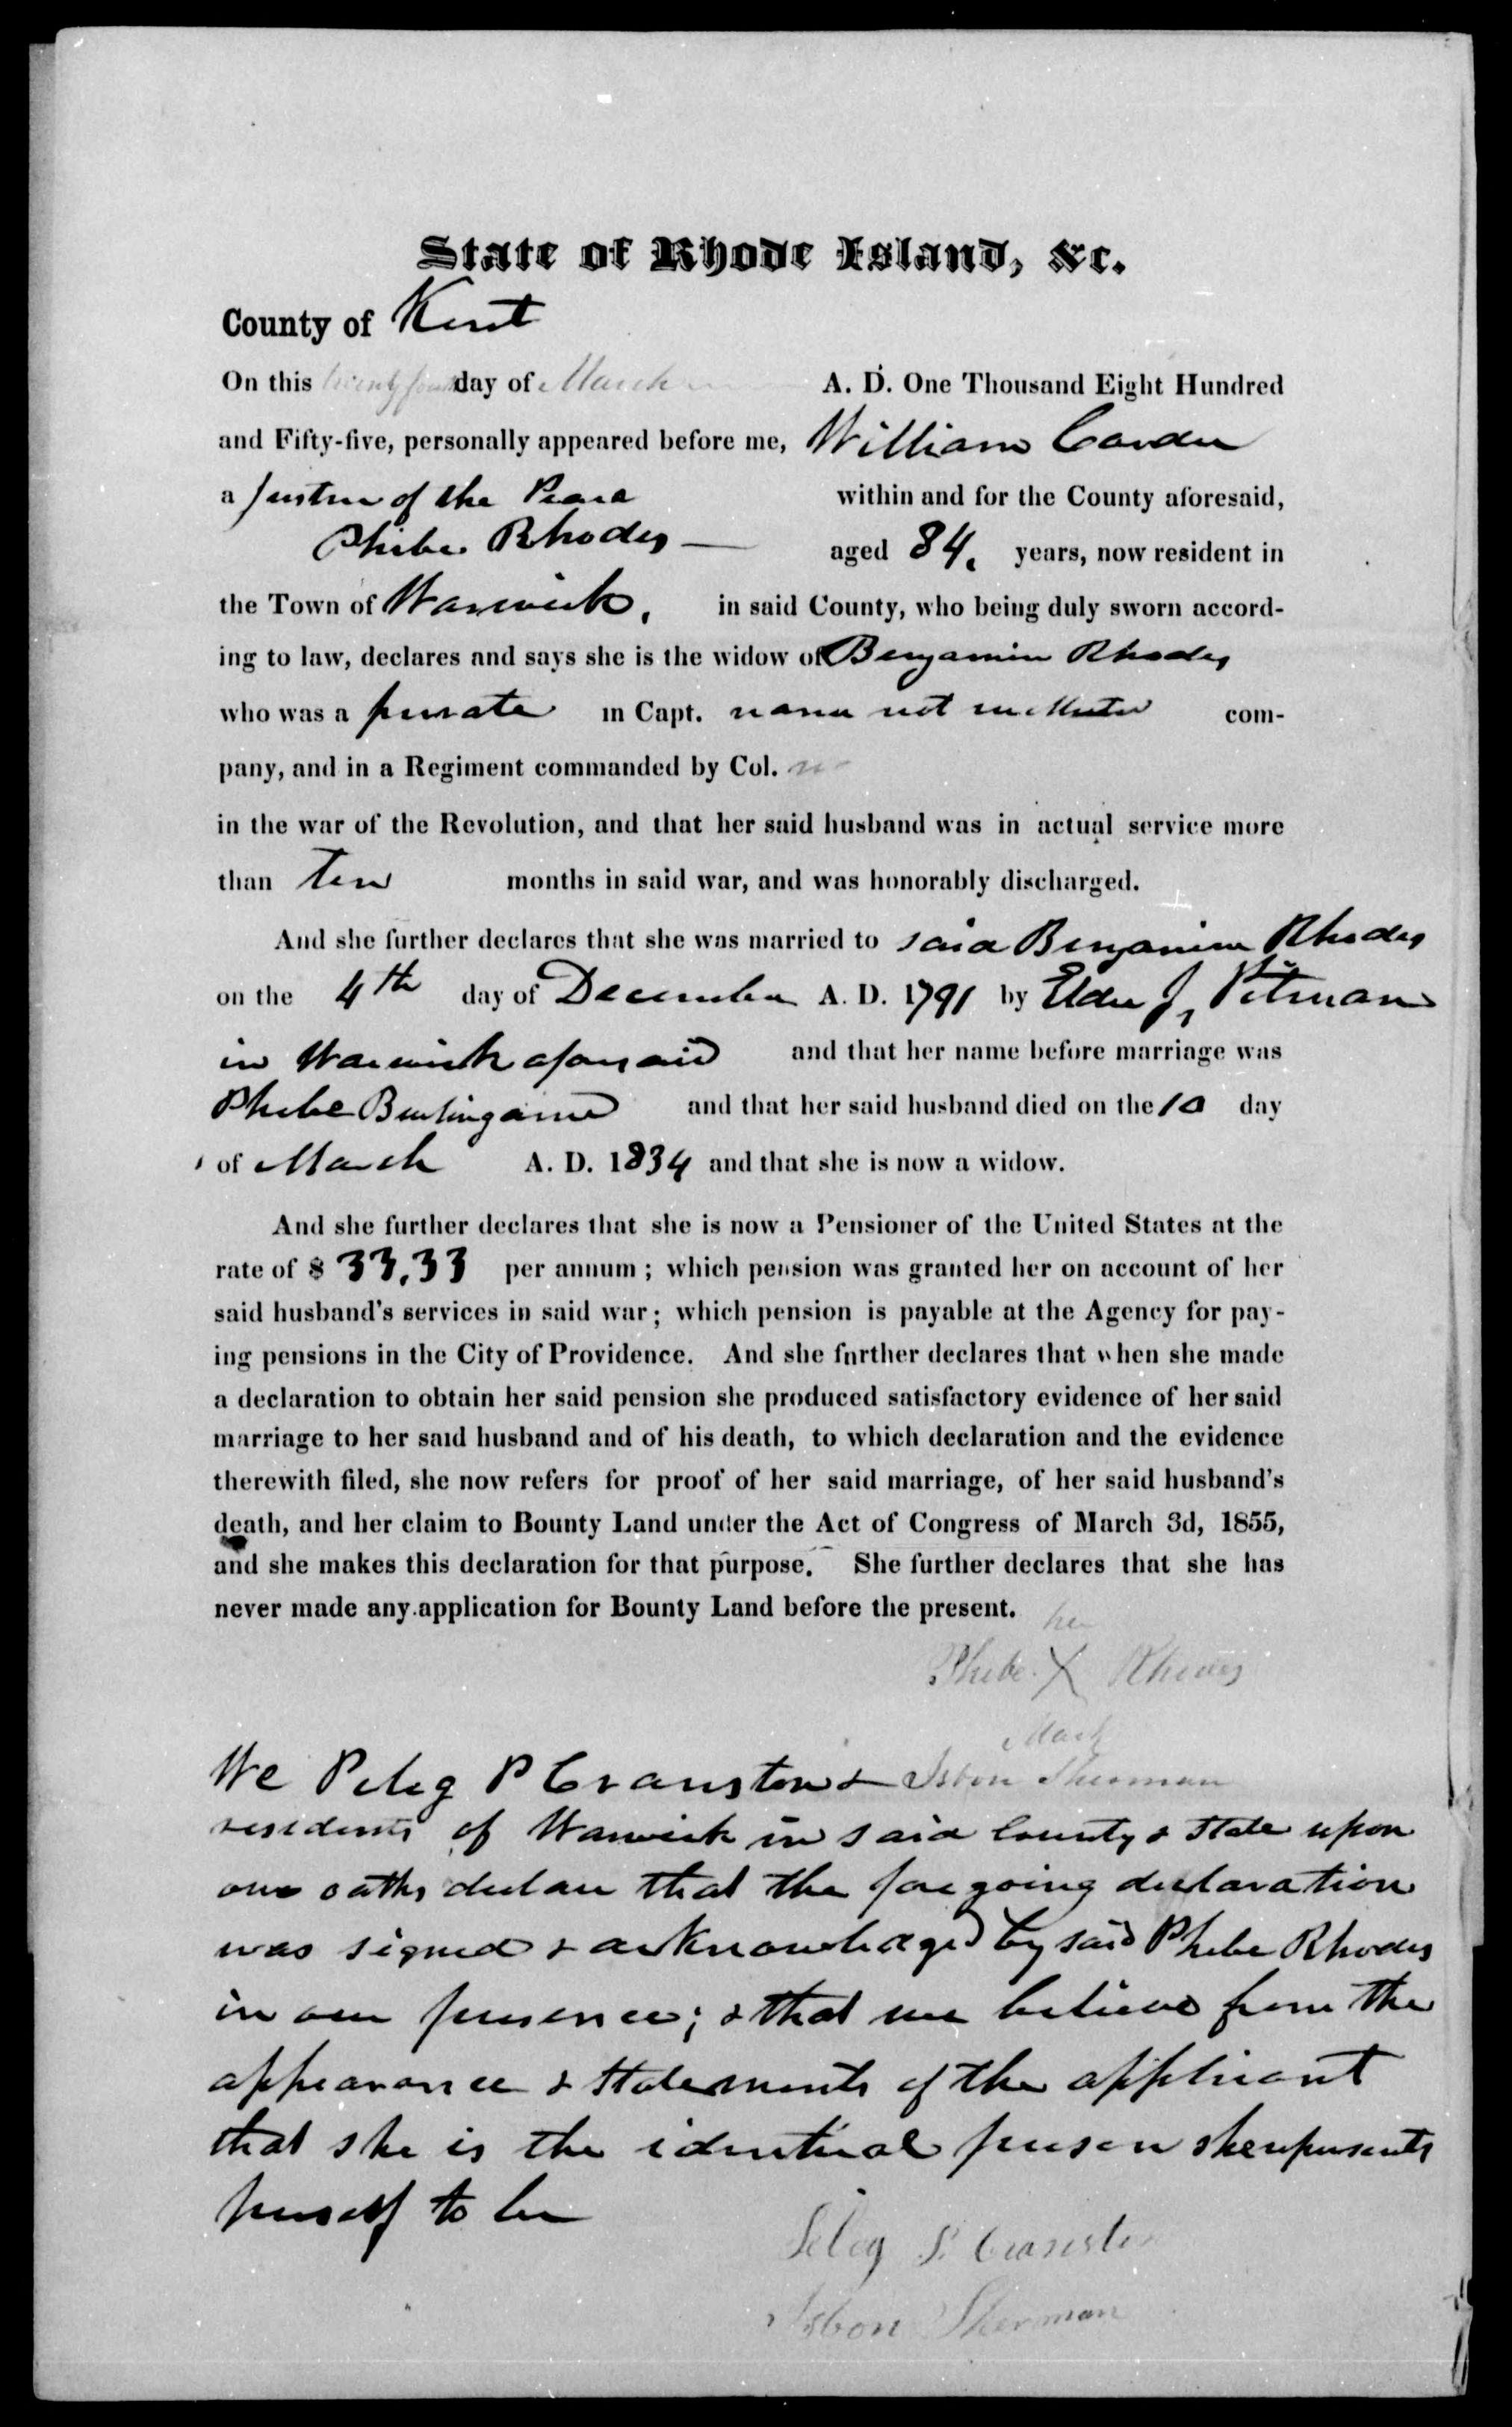State of Rhode Island, &c.
County of Kent
On this twenty fourth day of March
A.D. One Thousand Eight Hundred
and Fifty-five, personally appeared before me,
William Carder a Justice of the Peace
within and for the County aforesaid,
Phebe Rhodes, aged 84 years, now resident in
the Town of Warwick, in said County, who being duly sworn according to law, declares and says she is the widow of Benjamin Rhodes
who was a private in Capt. name not recollected
Company, and in a Regiment commanded by Col. n- in the war of the Revolution, and that her said husband was in actual service more than
ten months in said war, and was honorably discharged.
And she further declares that she was married to said Benjamin Rhodes on the 4th day of December A.D. 1791 by Elder J. Pitman
in Warwick aforesaid and that her name before marriage was Phebe Burlingame and that her said husband died on the 10 day
of March A. D. 1834 and that she is now a widow.
And she further declares that she is now a Pensioner of the United States at the
rate of $33.33 per annum; which pension was granted her on account of her
said husband's services in said war; which pension is payable at the Agency for paying pensions in the City of Providence. And she further declares that when she made
a declaration to obtain her said pension she produced satisfactory evidence of her said
marriage to her said husband and of his death, to which declaration and the evidence
therewith filed, she now refers for proof of her said marriage of her said husband's
death, and her claim to Bounty Land under the Act of Congress of March 3d, 1855,
and she makes this declaration for that purpose. She further declares that she has
never made any application for Bounty Land before the present. her mark
Phebe Rhodes

We Peleg P Cranston & Isbon Sherman
residents of Warwick in said County & State upon
our oaths declare that the foregoing declaration
was signed & acknowledged by said Phebe Rhodes in our presence, & that we believe from the appearance & statements of the applicant
that she is the identical prison there presents
herself to be
Peleg S. Cranston
Isbon Sherman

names: Benjamin Rhodes; Isbon Sherman; Isbon Sherman; Phebe Rhodes; Benjamin Rhodes; Phebe Burlingame; Peleg S Cranston; Phebe Rhodes; William Carder; Elder J Pitman; Phibe Rhodes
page: 19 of 50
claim: widow's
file: W. 22058, for Benjamin Rhodes, Rhode Island